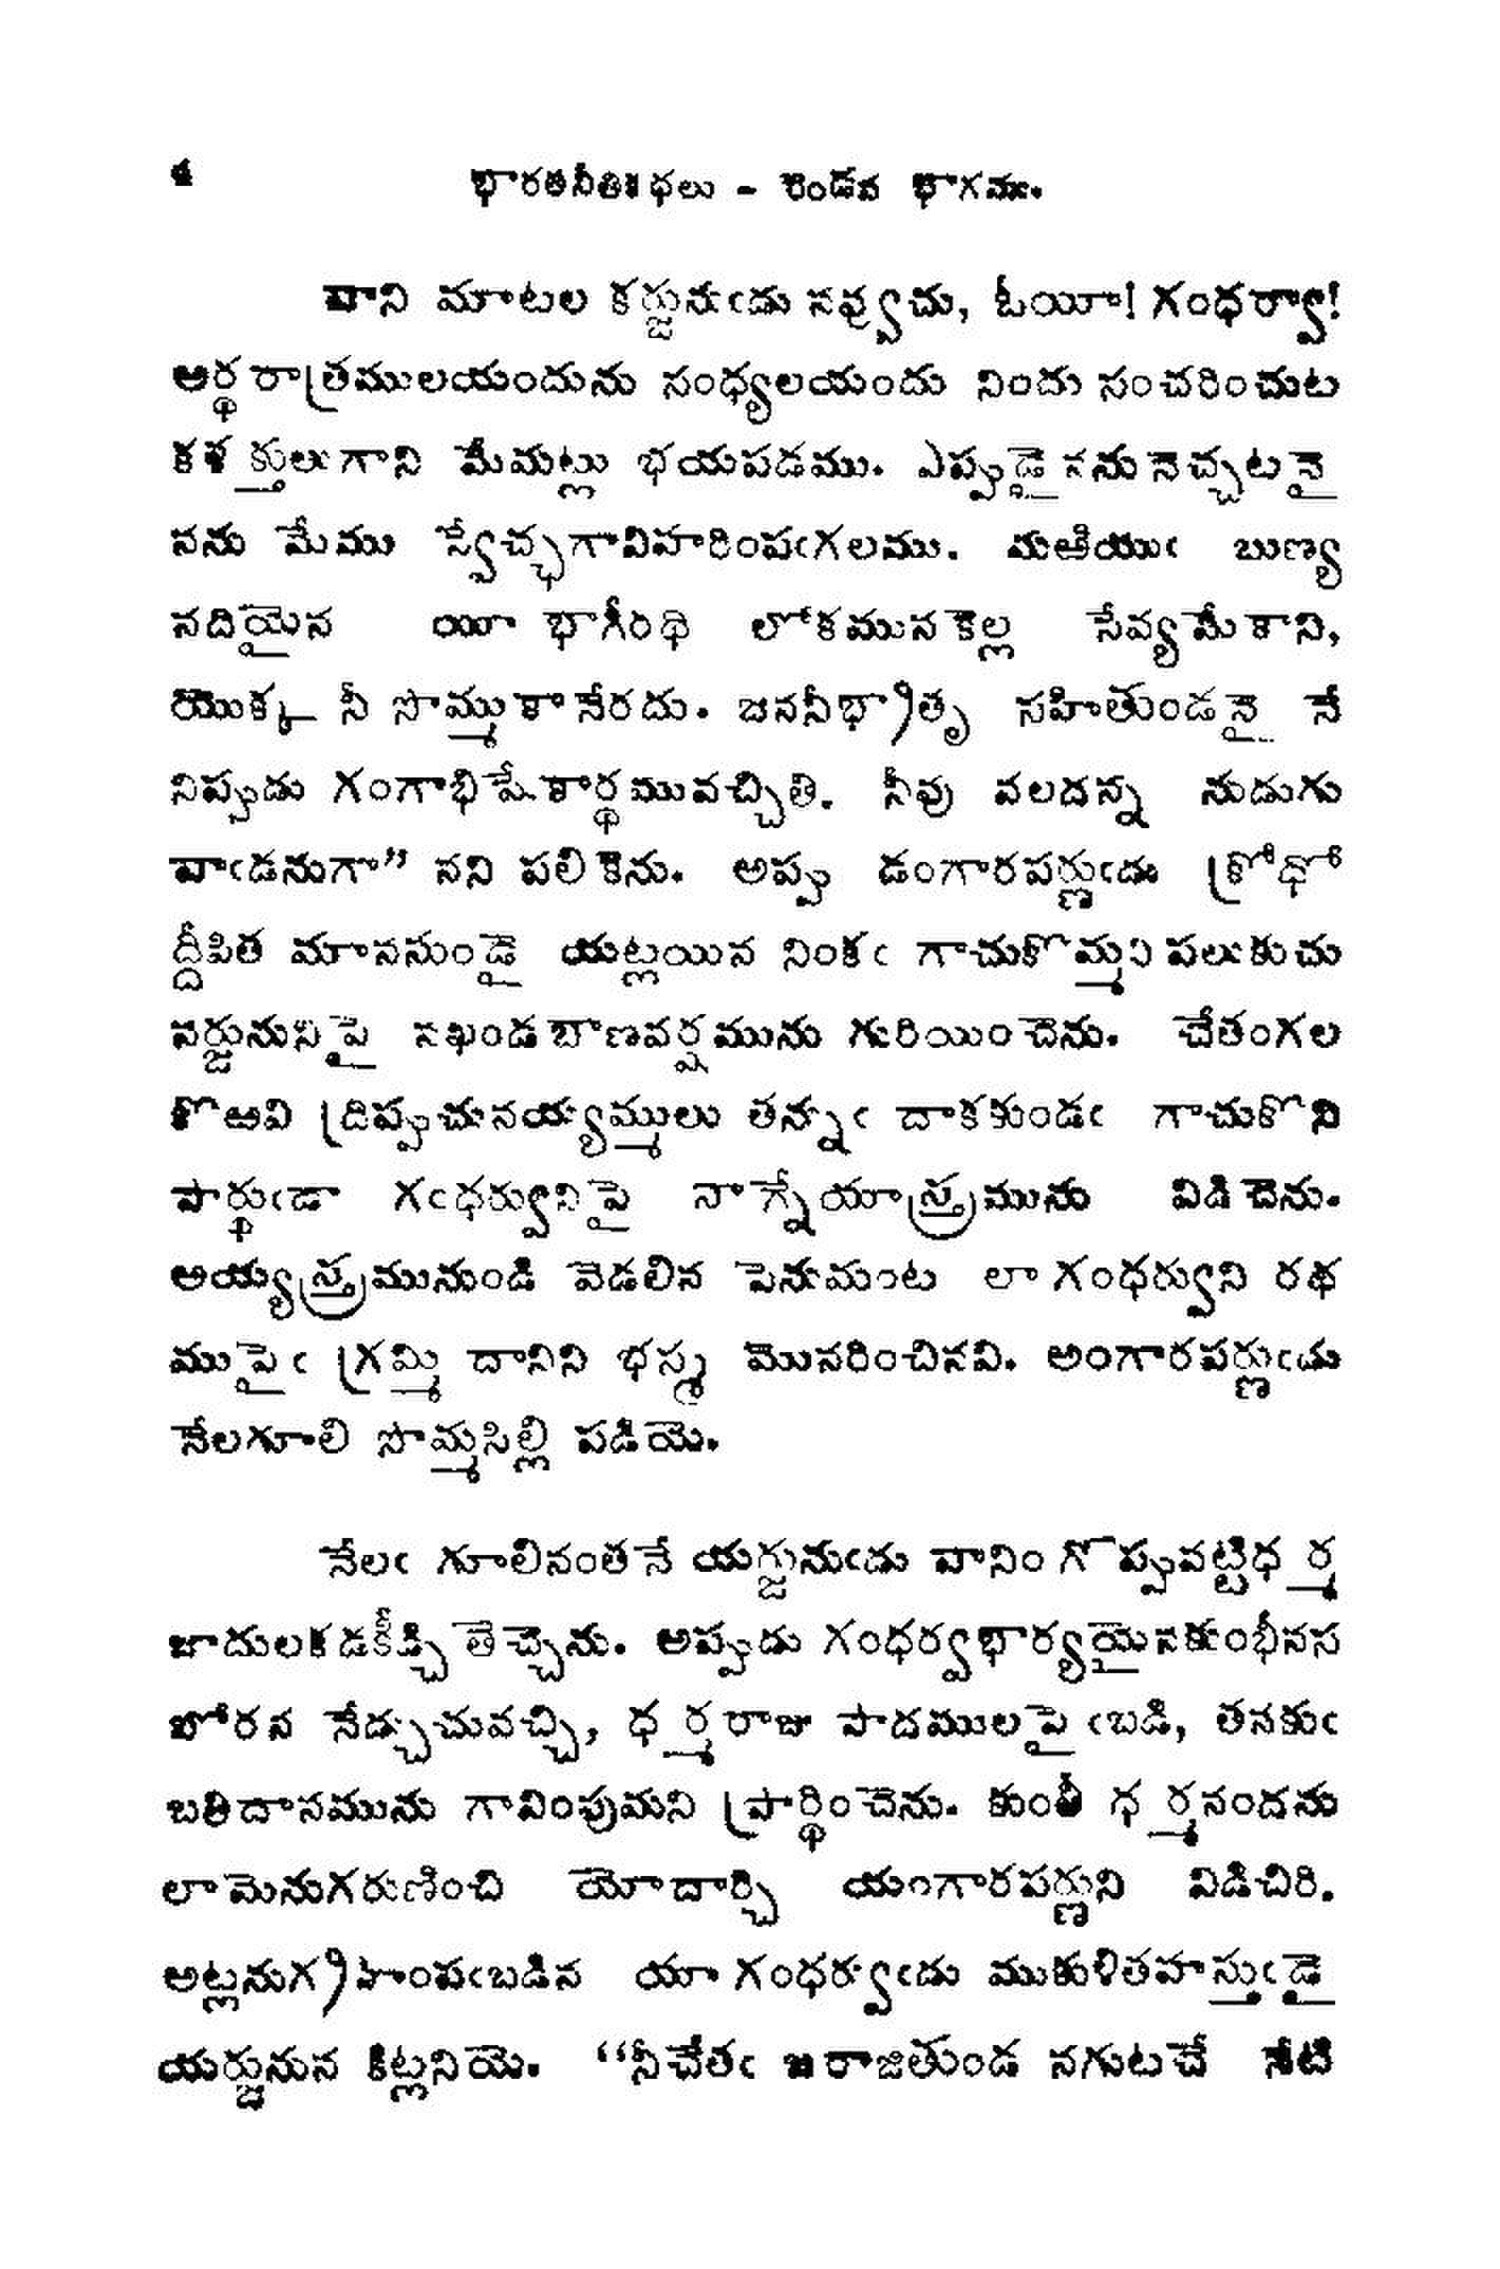వాని మాటల కర్జునుఁడు నవ్వచు, ఓయీ! గంధర్వా! అర్థరాత్రములయందును సంధ్యలయందు నిందు సంచరించుట కశక్తులుగాని మేమట్లు భయపడము. ఎప్పుడైనను నెచ్చటనైనను మేము స్వేచ్చగావిహరింపఁగలము. మఱియుఁ బుణ్య నదియైన యీ భాగీరథి లోకమునకెల్ల సేవ్యమేకాని,
యొక్క నీ సొమ్ముకానేరదు. జననీ భ్రాతృ సహితుండనై నే నిప్పుడు గంగాభిషేకార్థమువచ్చితి. నీవు వలదన్న నుడుగు వాఁడనుగా" నని పలికెను. అప్పు డంగారపర్ణుఁడు క్రోధో ద్దీపిత మానసుండై యట్లయిన నింకఁ గాచుకొమ్మని పలుకుచు నర్జునునిపై నఖండ బాణవర్షమును గురియించెను. చేతంగల కొఱవి ద్రిప్పుచునయ్యమ్ములు తన్నుఁ దాకకుండఁ గాచుకొని పార్థుఁడా గంధర్వునిపై నాగ్నేయాస్త్రమును విడిచెను. అయ్వస్త్రమునుండి వెడలిన పెనుమంట లా గంధర్వుని రథముపైఁ గ్రమ్మి దానిని భస్మ మొనరించినవి. అంగారపర్ణుఁడు నేలగూలి సొమ్మసిల్లి పడియె.

నేలఁ గూలినంతనే యర్జునుఁడు వానిం గొప్పుపట్టిధర్మజాదులకడకీడ్చి తెచ్చెను. అప్పుడు గంధర్వభార్యయైన కుంభీనస బోరన నేడ్చుచువచ్చి, ధర్మరాజు పాదములపైఁబడి, తనకుఁ బతిదానమును గావింపుమని ప్రార్థించెను. కుంతీ ధరనందను లామెనుగరుణించి యోదార్చి యంగారపర్ణుని విడిచిరి. అట్లనుగ్రహింపఁబడిన యా గంధర్వుఁడు ముకుళిత హస్తుఁడై యర్జునున కిట్లనియె. “నీచేతఁ బరాజితుండ నగుటచే నేటి